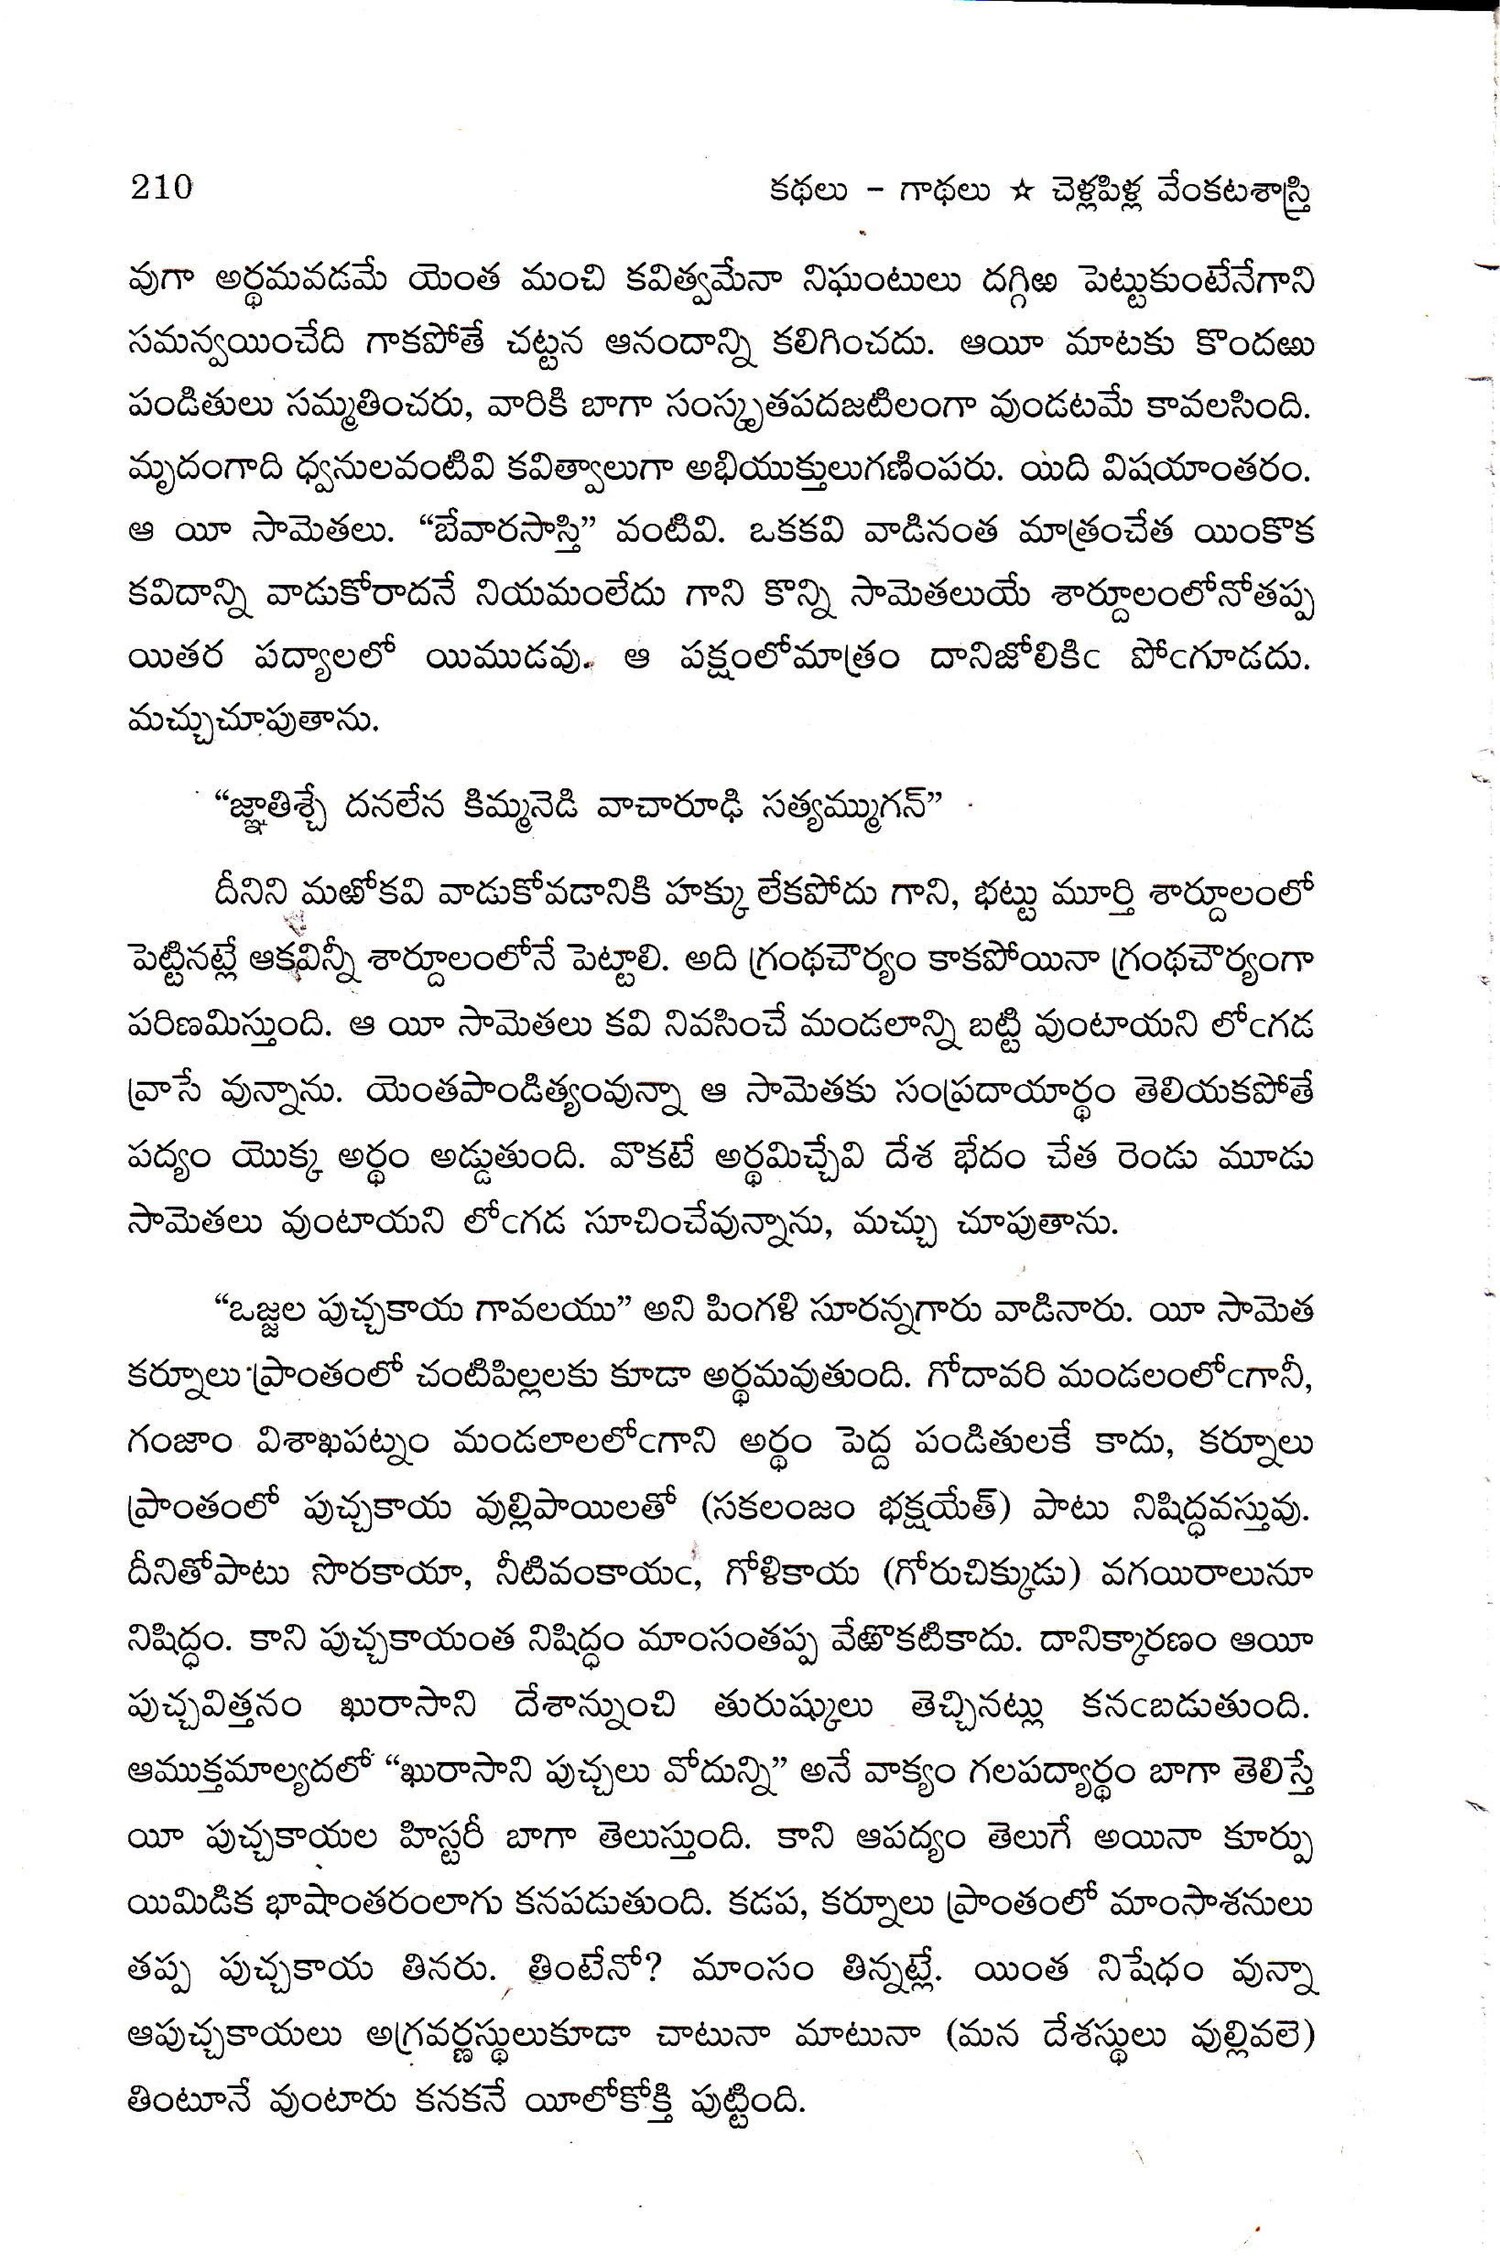వుగా అర్థమవడమే యెంత మంచి కవిత్వమేనా నిఘంటులు దగ్గిఱ పెట్టుకుంటేనేగాని సమన్వయించేది గాకపోతే చట్టన ఆనందాన్ని కలిగించదు. ఆయీ మాటకు కొందఱు పండితులు సమ్మతించరు, వారికి బాగా సంస్కృతపదజటిలంగా వుండటమే కావలసింది. మృదంగాది ధ్వనులవంటివి కవిత్వాలుగా అభియుక్తులుగణింపరు. యిది విషయాంతరం. ఆ యీ సామెతలు. “బేవారసాస్తి" వంటివి. ఒకకవి వాడినంత మాత్రంచేత యింకొక కవిదాన్ని వాడుకోరాదనే నియమంలేదు గాని కొన్ని సామెతలుయే శార్దూలంలోనోతప్ప యితర పద్యాలలో యిముడవు. ఆ పక్షంలోమాత్రం దాని జోలికిఁ పోఁగూడదు. మచ్చుచూపుతాను.

"జ్ఞాతిశ్చే దనలేన కిమ్మనెడి వాచారూఢి సత్యమ్ముగన్"
దీనిని మఱోకవి వాడుకోవడానికి హక్కులేకపోదు గాని, భట్టు మూర్తి శార్దూలంలో పెట్టినట్లే ఆకవిన్నీ శార్దూలంలోనే పెట్టాలి. అది గ్రంథచౌర్యం కాకపోయినా గ్రంథచౌర్యంగా పరిణమిస్తుంది. ఆ యీ సామెతలు కవి నివసించే మండలాన్ని బట్టి వుంటాయని లోఁగడ వ్రాసే వున్నాను. యెంతపాండిత్యంవున్నా ఆ సామెతకు సంప్రదాయార్థం తెలియకపోతే పద్యం యొక్క అర్థం అడ్డుతుంది. వొకటే అర్థమిచ్చేవి దేశ భేదం చేత రెండు మూడు సామెతలు వుంటాయని లోఁగడ సూచించేవున్నాను, మచ్చు చూపుతాను.

"ఒజ్జల పచ్చకాయ గావలయు" అని పింగళి సూరన్నగారు వాడినారు. యీ సామెత కర్నూలు ప్రాంతంలో చంటిపిల్లలకు కూడా అర్థమవుతుంది. గోదావరి మండలంలోఁగానీ, గంజాం విశాఖపట్నం మండలాలలోఁగాని అర్ధం పెద్ద పండితులకే కాదు, కర్నూలు ప్రాంతంలో పుచ్చకాయ వుల్లిపాయిలతో (సకలంజం భక్షయేత్) పాటు నిషిద్ధవస్తువు. దీనితోపాటు సొరకాయా, నీటివంకాయఁ, గోళికాయ (గోరుచిక్కుడు) వగయిరాలునూ నిషిద్ధం. కాని పుచ్చకాయంత నిషిద్ధం మాంసంతప్ప వేఱొకటికాదు. దానిక్కారణం ఆయీ పుచ్చవిత్తనం ఖురాసాని దేశాన్నుంచి తురుష్కులు తెచ్చినట్లు కనఁబడుతుంది. ఆముక్తమాల్యదలో "ఖురాసాని పుచ్చలు వోదున్ని" అనే వాక్యం గలపద్యార్థం బాగా తెలిస్తే యీ పుచ్చకాయల హిస్టరీ బాగా తెలుస్తుంది. కాని ఆపద్యం తెలుగే అయినా కూర్పు యిమిడిక భాషాంతరంలాగు కనపడుతుంది. కడప, కర్నూలు ప్రాంతంలో మాంసాశనులు తప్ప పుచ్చకాయ తినరు. తింటేనో? మాంసం తిన్నట్లే, యింత నిషేధం వున్నా ఆపుచ్చకాయలు అగ్రవర్ణస్థులుకూడా చాటునా మాటునా (మన దేశస్థులు వుల్లివలె) తింటూనే వుంటారు కనకనే యీలోకోక్తి పుట్టింది.